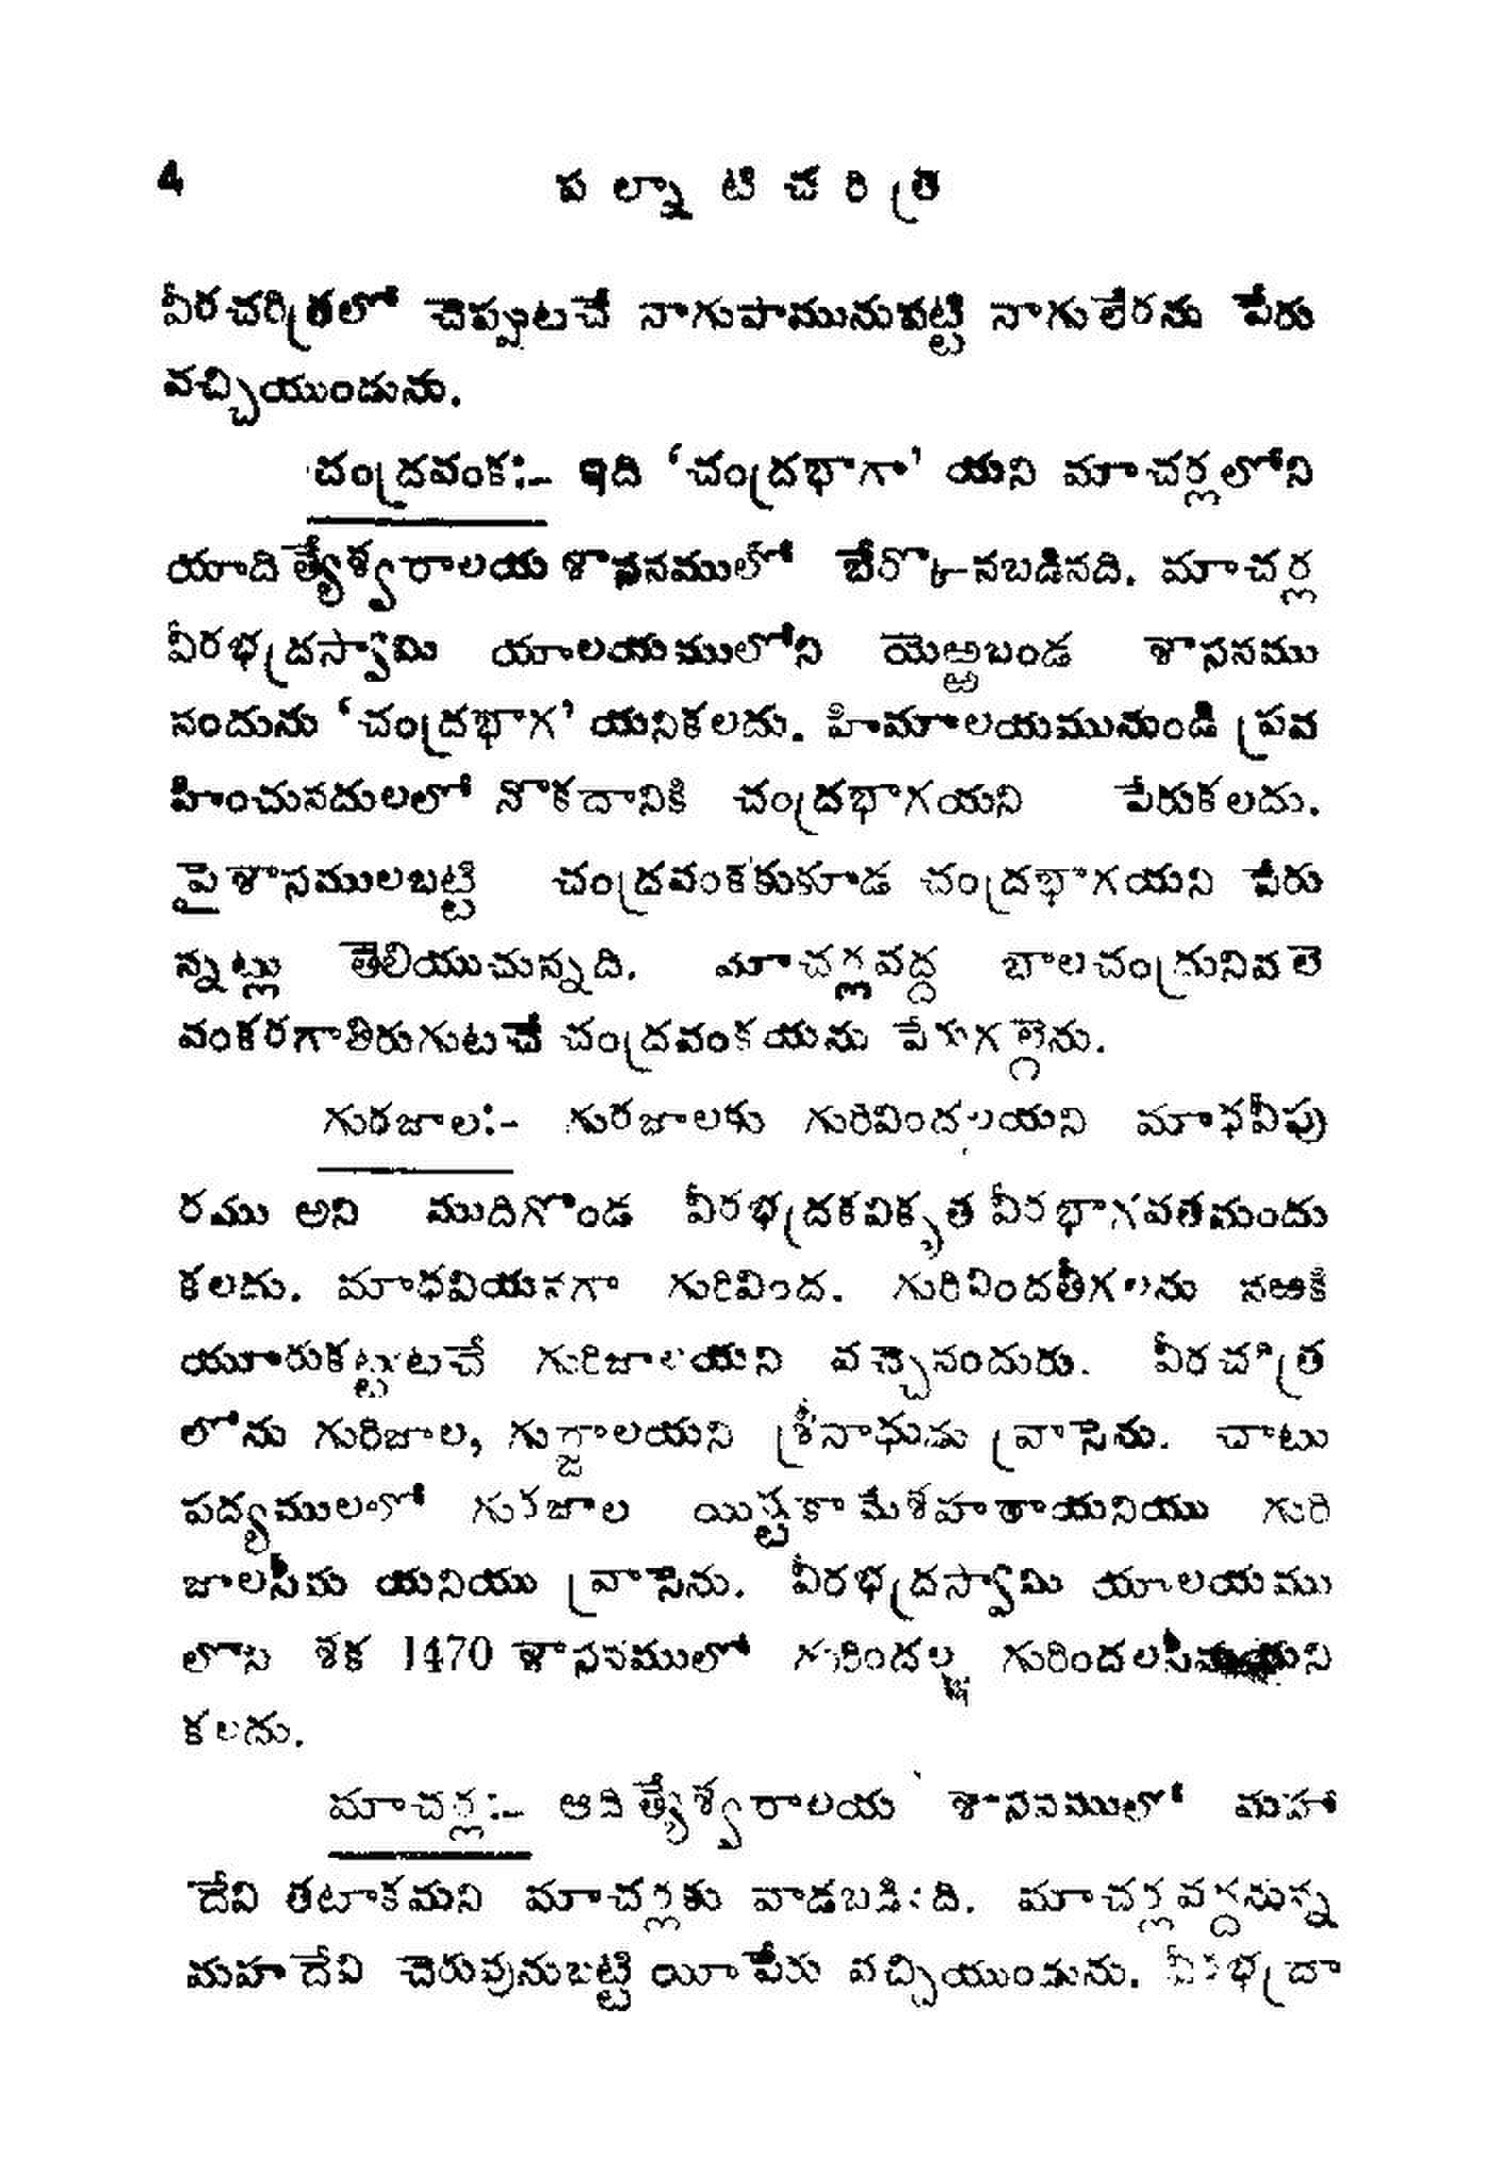వీర చరిత్రలో చెప్పుటచే నాగుపామును పట్టి నాగులేరను పేరు
వచ్చియుండును.

‘చంద్రవంక:- ఇది 'చంద్రభాగా' యని మాచర్లలోని
యాదిత్యేశ్వరాలయ శాసనములో బేర్కొనబడినది. మాచర్ల
వీరభద్రస్వామి యాలయములోని యెఱ్ఱబండ శాసనము
సందును ‘చంద్రభాగ’ యనికలదు. హిమాలయమునుండి 
ప్రవహించునదులలో నొకదానికి చంద్రభాగయని
పైశాసనములబట్టి చంద్రవంక కుకూడ చంద్రభాగయని 
పేరున్నట్లు తెలియుచున్నది. మాచర్ల వద్ద బాలచంద్రునివలె
వంకరగా తిరుగుటచే చంద్రవంకయను పేరుగల్గెను.

గురజాల:- గురజాలకు గురివిందలయని మానవీపు
రము అని ముదిగొండ వీరభద్రకవికృత వీరభాగవతమందు
కలదు, మాధవియనగా గురివింద. గురివిందతీగలను నఱికి
యూరుకట్టటచే గురిజాలయని వచ్చెనందురు. వీరచరిత్ర
లోను గురిజాల, గుర్జాలయని శ్రీనాధుడు వ్రాసేను. చాటు
పద్యములలో గురజాల యిష్టకామేశహరాయనియు గురిజాలసీమ 
యనియు వ్రాసెను. వీరభద్రస్వామి యాలయము
లోని శక 1470 శాసనములో గురిందల గురిందలసీమయని 
కలదు.

మాచర్ల:- ఆదిత్యేశ్వరాలయ శాసనములో మహాదేవి 
తటాకమని మాచర్లకు వాడబడినది మాచర్ల వద్దనున్న
మహదేవి చెరువునుబట్టి యీ పేరు వచ్చియుండును. వీరభద్రా